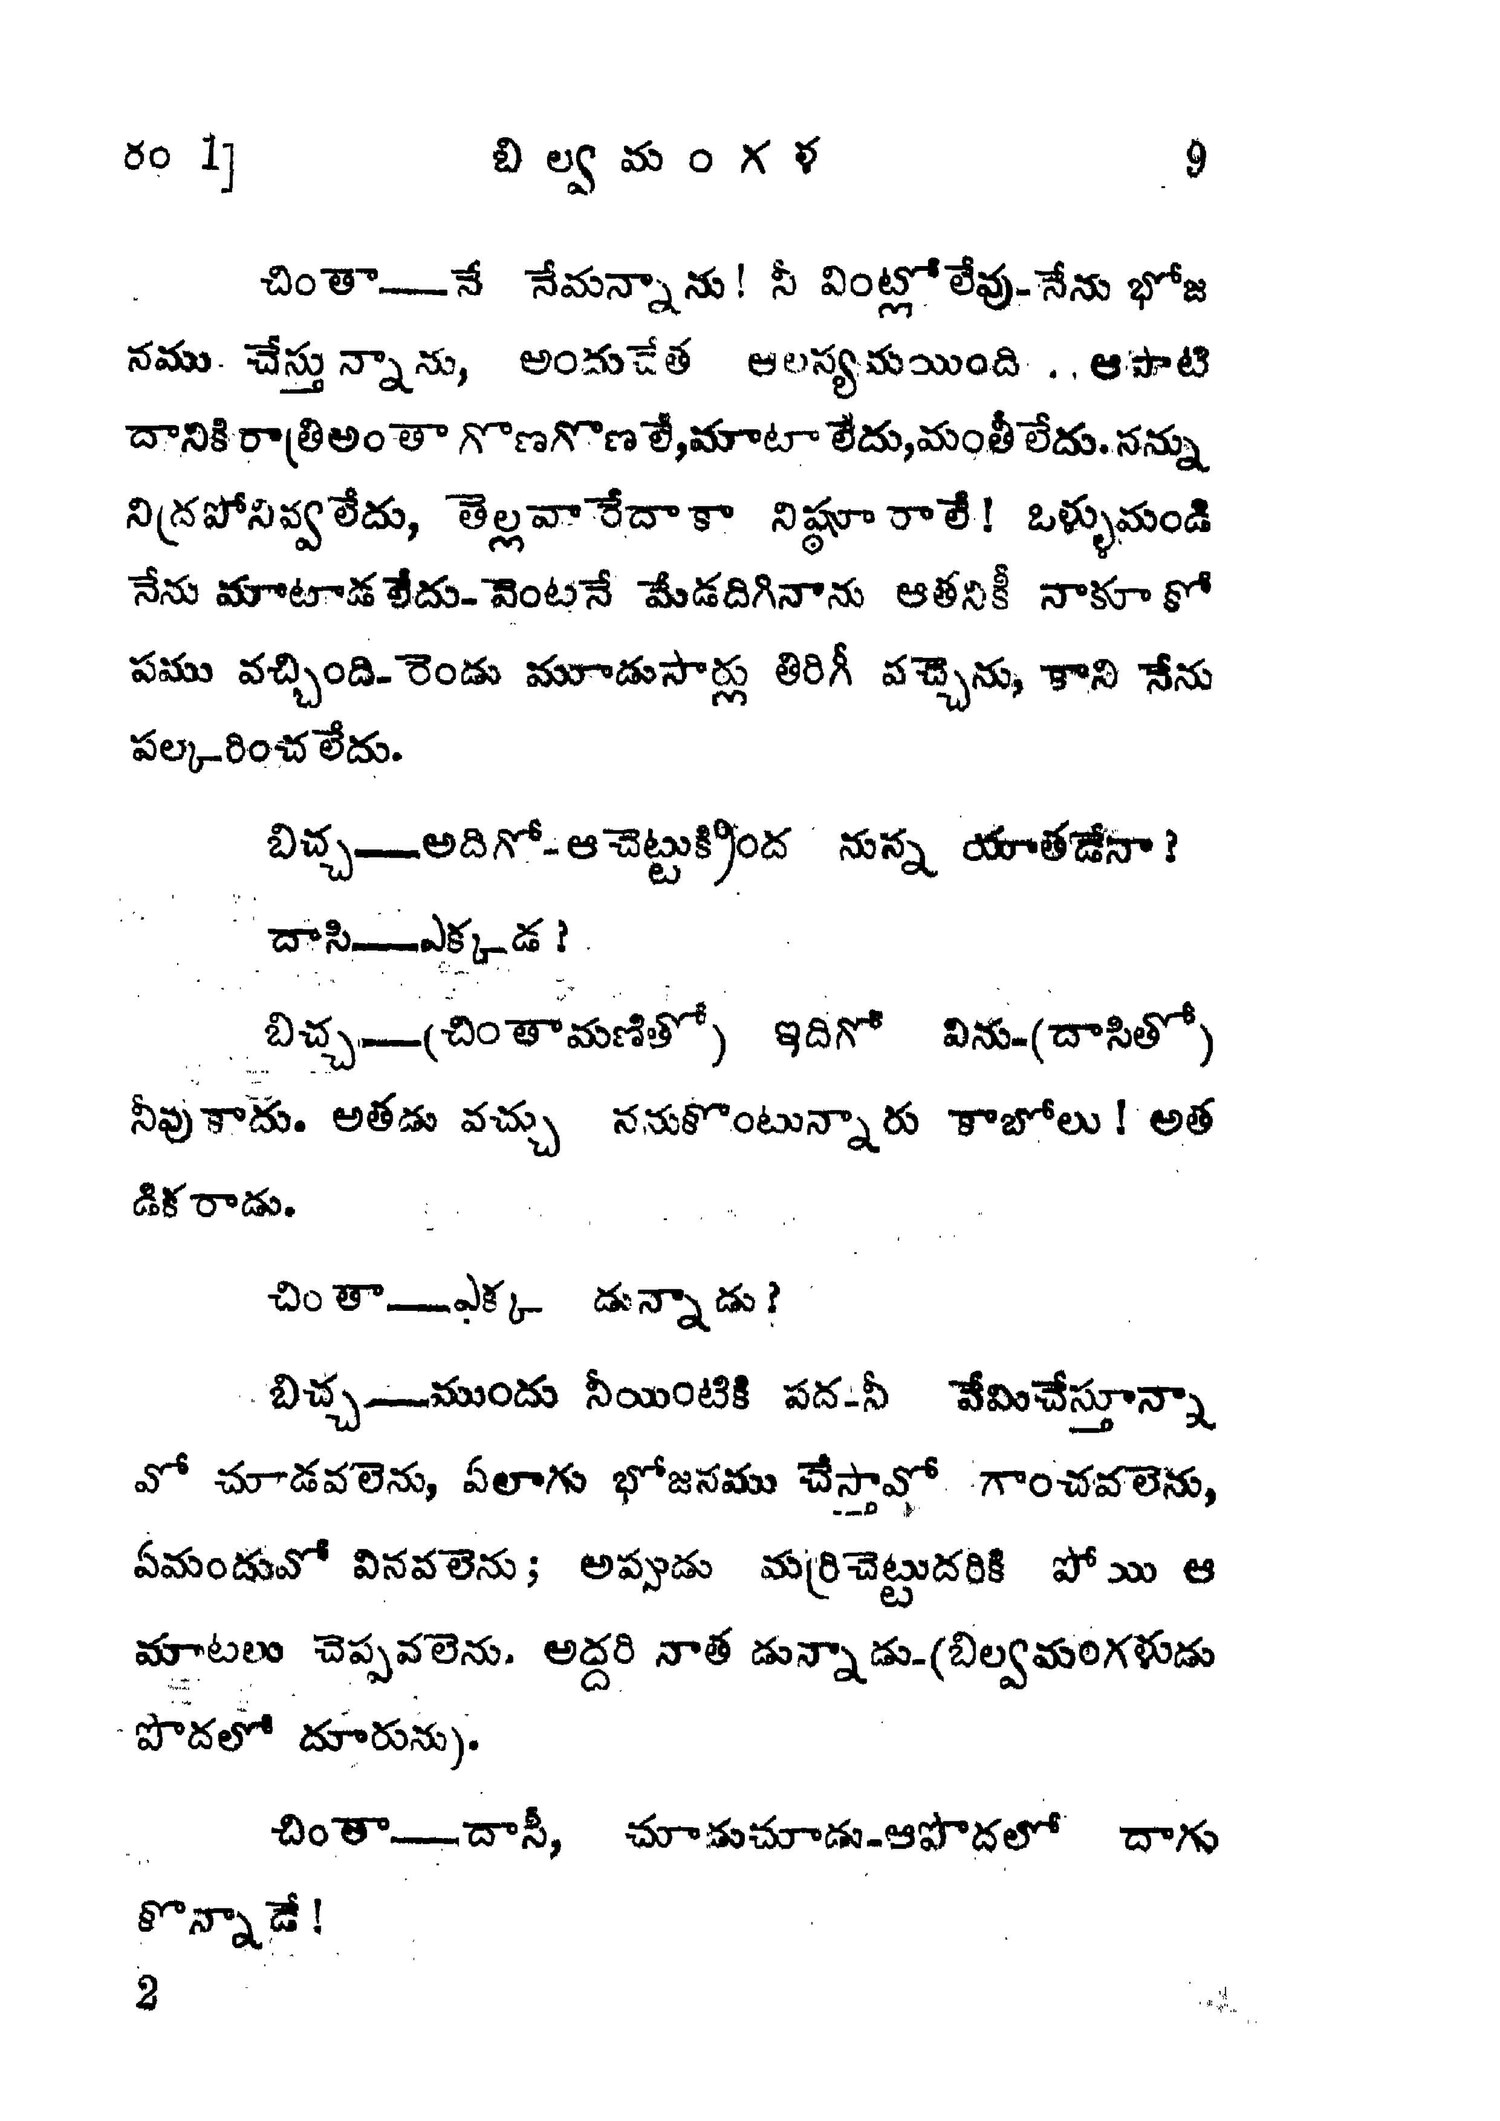చింతా - నే నేమన్నాను ! నీ వింట్లోలేవు - నేను భోజనము చేస్తున్నాను, అందుచేత ఆలస్యమయింది... ఆపాటి దానికి రాత్రిఅంతా గొణగొణలే, మాటాలేదు, మంతీలేదు. నన్ను నిద్రపోనివ్వలేదు, తెల్లవారేదాకా నిష్ఠూరాలే! ఒళ్ళుమండి నేను మాటాడలేదు - వెంటనే మేడదిగినాను ఆతనికీ నాకూకోపము వచ్చింది. రెండు మూడుసార్లు తిరిగీ వచ్చెను, కాని నేను పల్కరించలేదు.

బిచ్చ - అదిగో - ఆచెట్టుక్రింద నున్న యాతడేనా?

దాసి - ఎక్కడ?

బిచ్చ - (చింతామణితో) ఇదిగో విను - (దాసితో) నీవుకాదు. అతడు వచ్చు ననుకొంటున్నారు కాబోలు ! అతడికరాడు.

చింతా - ఎక్క డున్నాడు?

బిచ్చ - ముందు నీయింటికి పద - నీ వేమిచేస్తున్నావో చూడవలెను, ఏలాగు భోజనము చేస్తావో గాంచవలెను, ఏమందువో వినవలెను; అప్పుడు మర్రిచెట్టుదరికి పోయి ఆ మాటలు చెప్పవలెను. అద్దరి నాత డున్నాడు - (బిల్వమంగళుడు పొదలో దూరును).

చింతా - దాసీ, చూడుచూడు - ఆపొదలో దాగు కొన్నాడే!